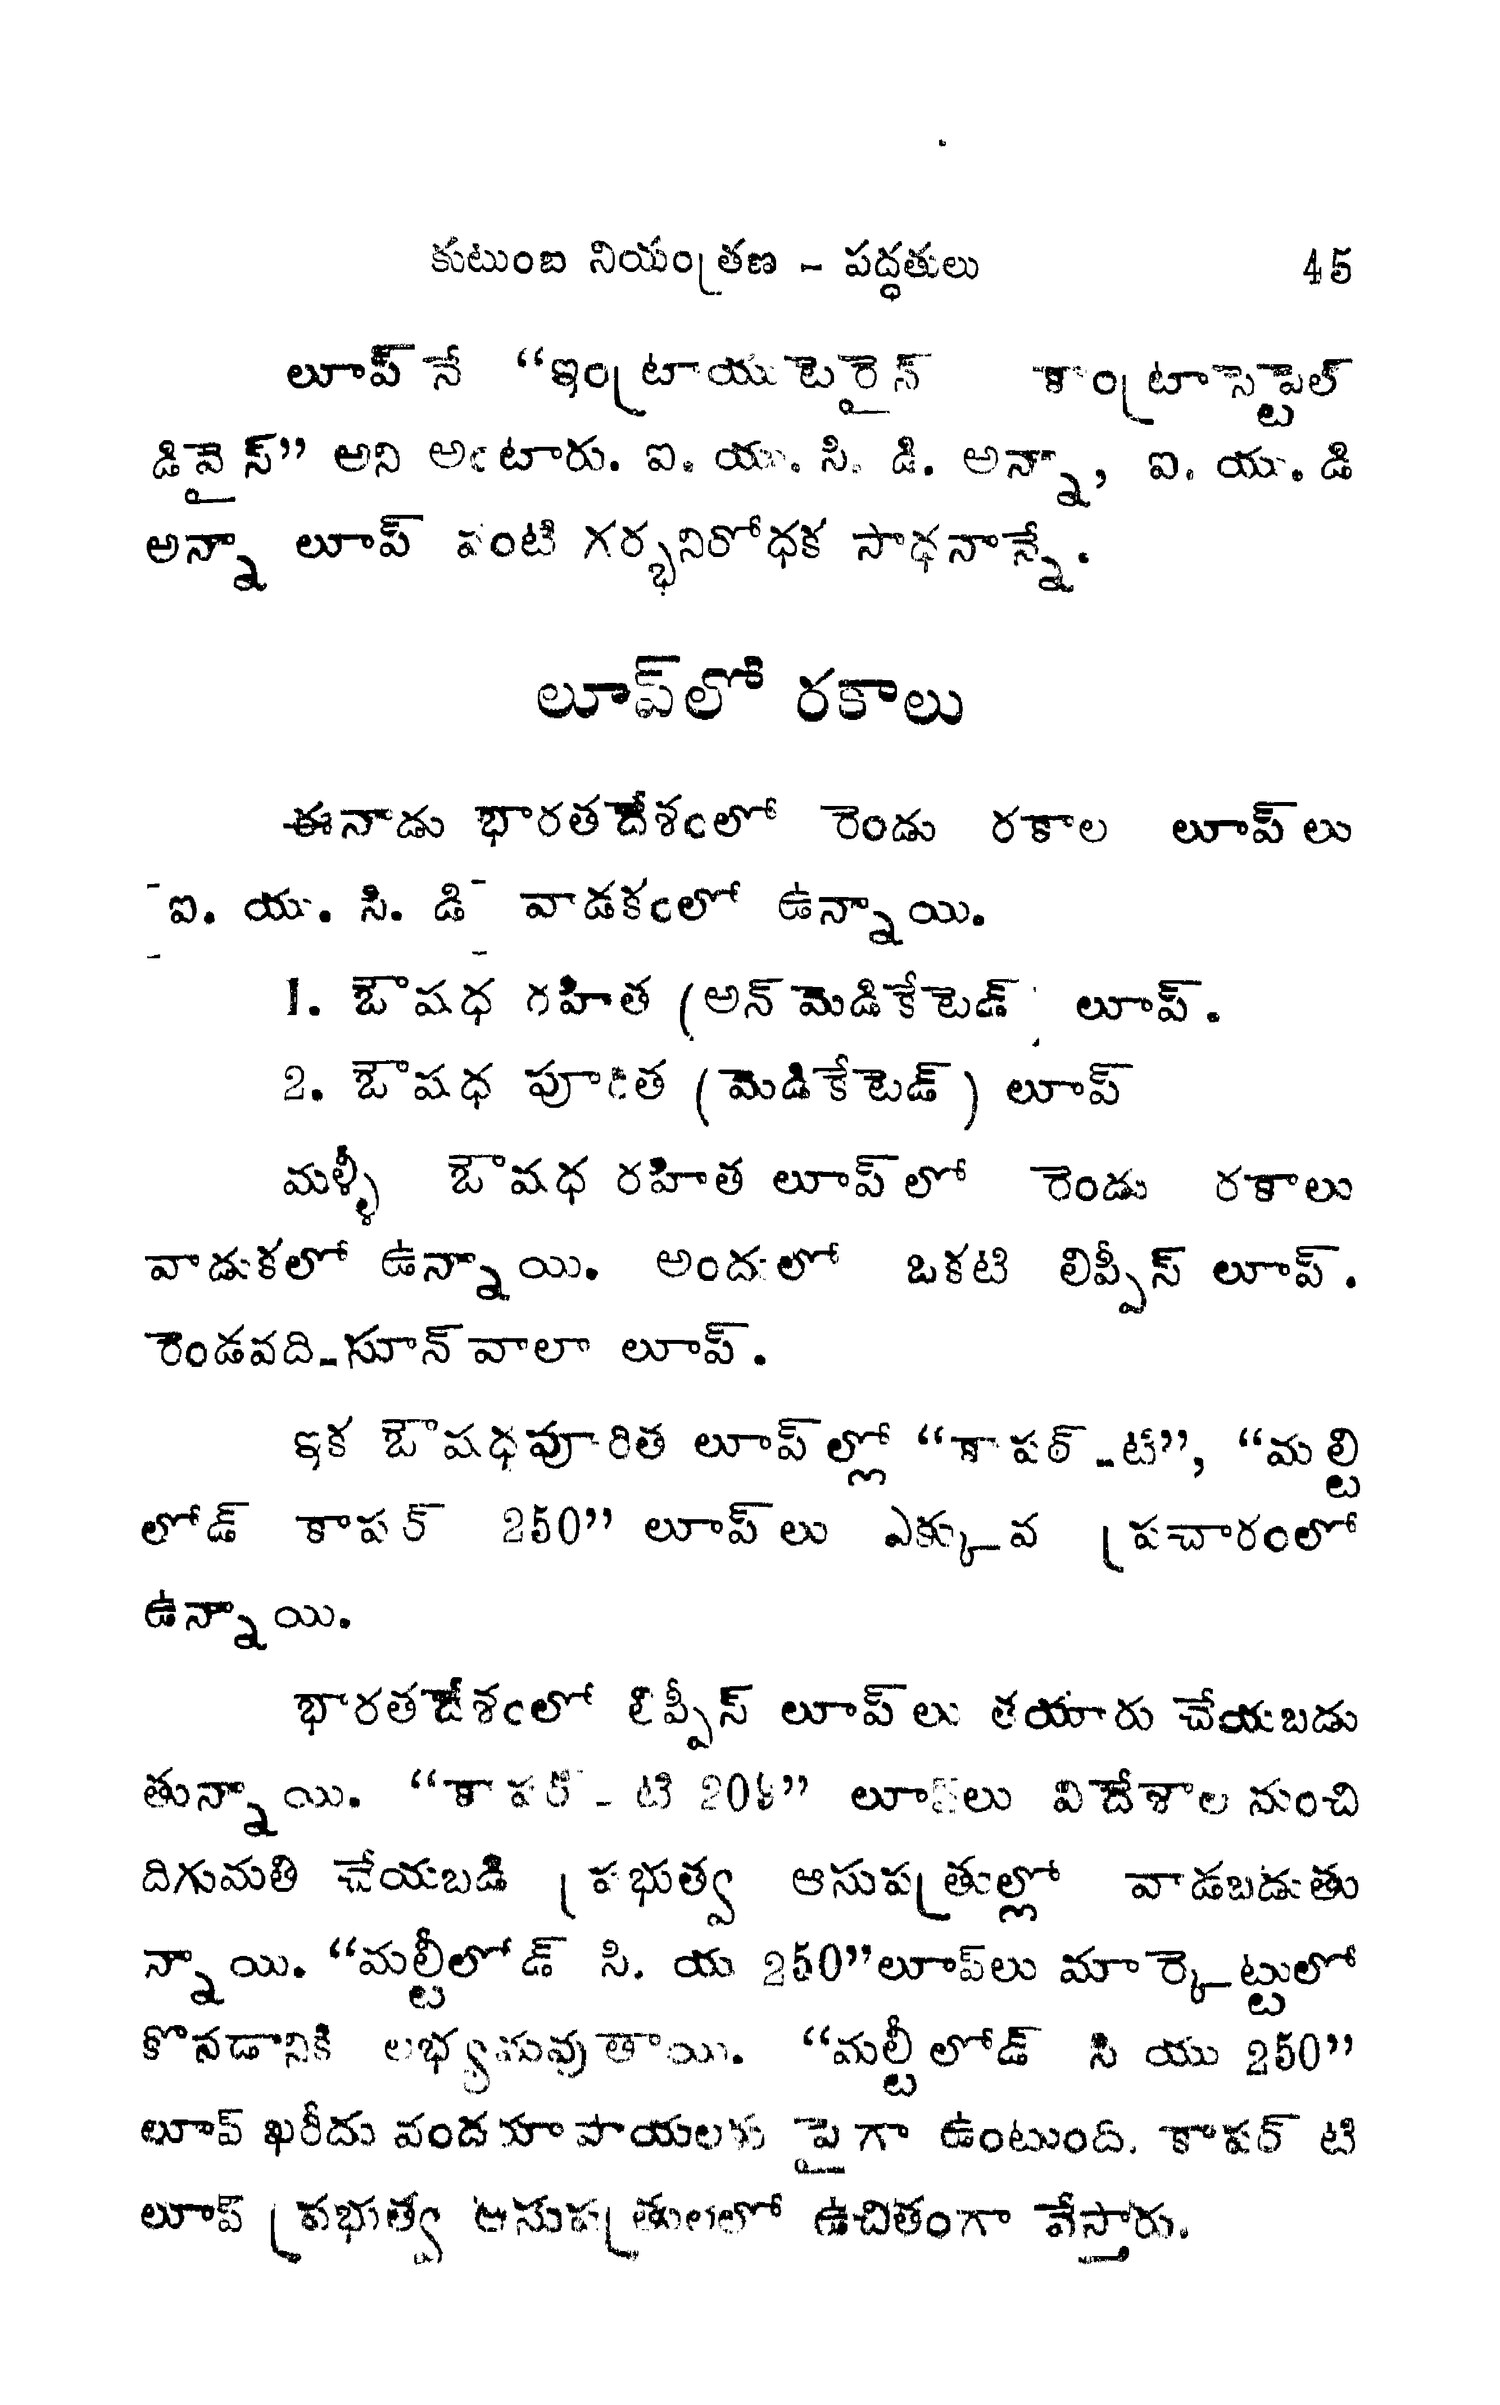లూప్ నే "ఇంట్రాయుటెరైన్ కాంట్రాసెప్టెల్ డివైస్" అని అంటారు. ఐ. యు. సి. డి. అన్నా, ఐ. యు. డి. అన్నా లూప్ వంటి గర్భనిరోధక సాధనాన్నే

ఈనాడు బారతదేశంలో రెండు రకాల లూప్‌లు "ఐ.యు.సి.డి" వాడకంలో ఉన్నాయి.

1.ఔషధ రహిత (అన్ మెడికేటెడ్) లూప్

2.ఔషధ పూరిత (మెడికేటెడ్) లూప్

మళ్ళీ ఔషధ రహిత లూప్‌లో రెండు రకాలు వాడుకలో ఉన్నాయి. అందులో ఒకటి లిప్సీస్ లూప్,రెండవది - సూన్ వాలా లూప్.

ఇక ఔషధపూరితె లూప్‌ల్లో "కాపర్-టి","మల్టి లోడ్ కాపర్ 250" లూప్‌లు ఎక్కువ ప్రచారంలో ఉన్నాయి.

భారతదేశంలో లిప్సీస్ లూప్‌లు తయారు చేయబడుతున్నాయి. "కాపర్ - టి 209" లూప్ లు విదేశాలనుంచి దిగుమతి చేయబడి ప్రభుత్వ ఆసుపత్రుల్లో వాడబడుతున్నాయి. "మల్టీలోడ్ సి.య 250" లూప్‌లు మార్కెట్టులో కొనడానికి లభ్యమవుతాయి. "మల్టీలోడ్ సి.యు. 250" లూప్ ఖరీదు వందరూపాయలకు పైగా ఉంటుంది. కాపర్ టి లూప్ ప్రభుత్వ ఆసుపత్రులలో ఉచితంగా వేస్తారు.